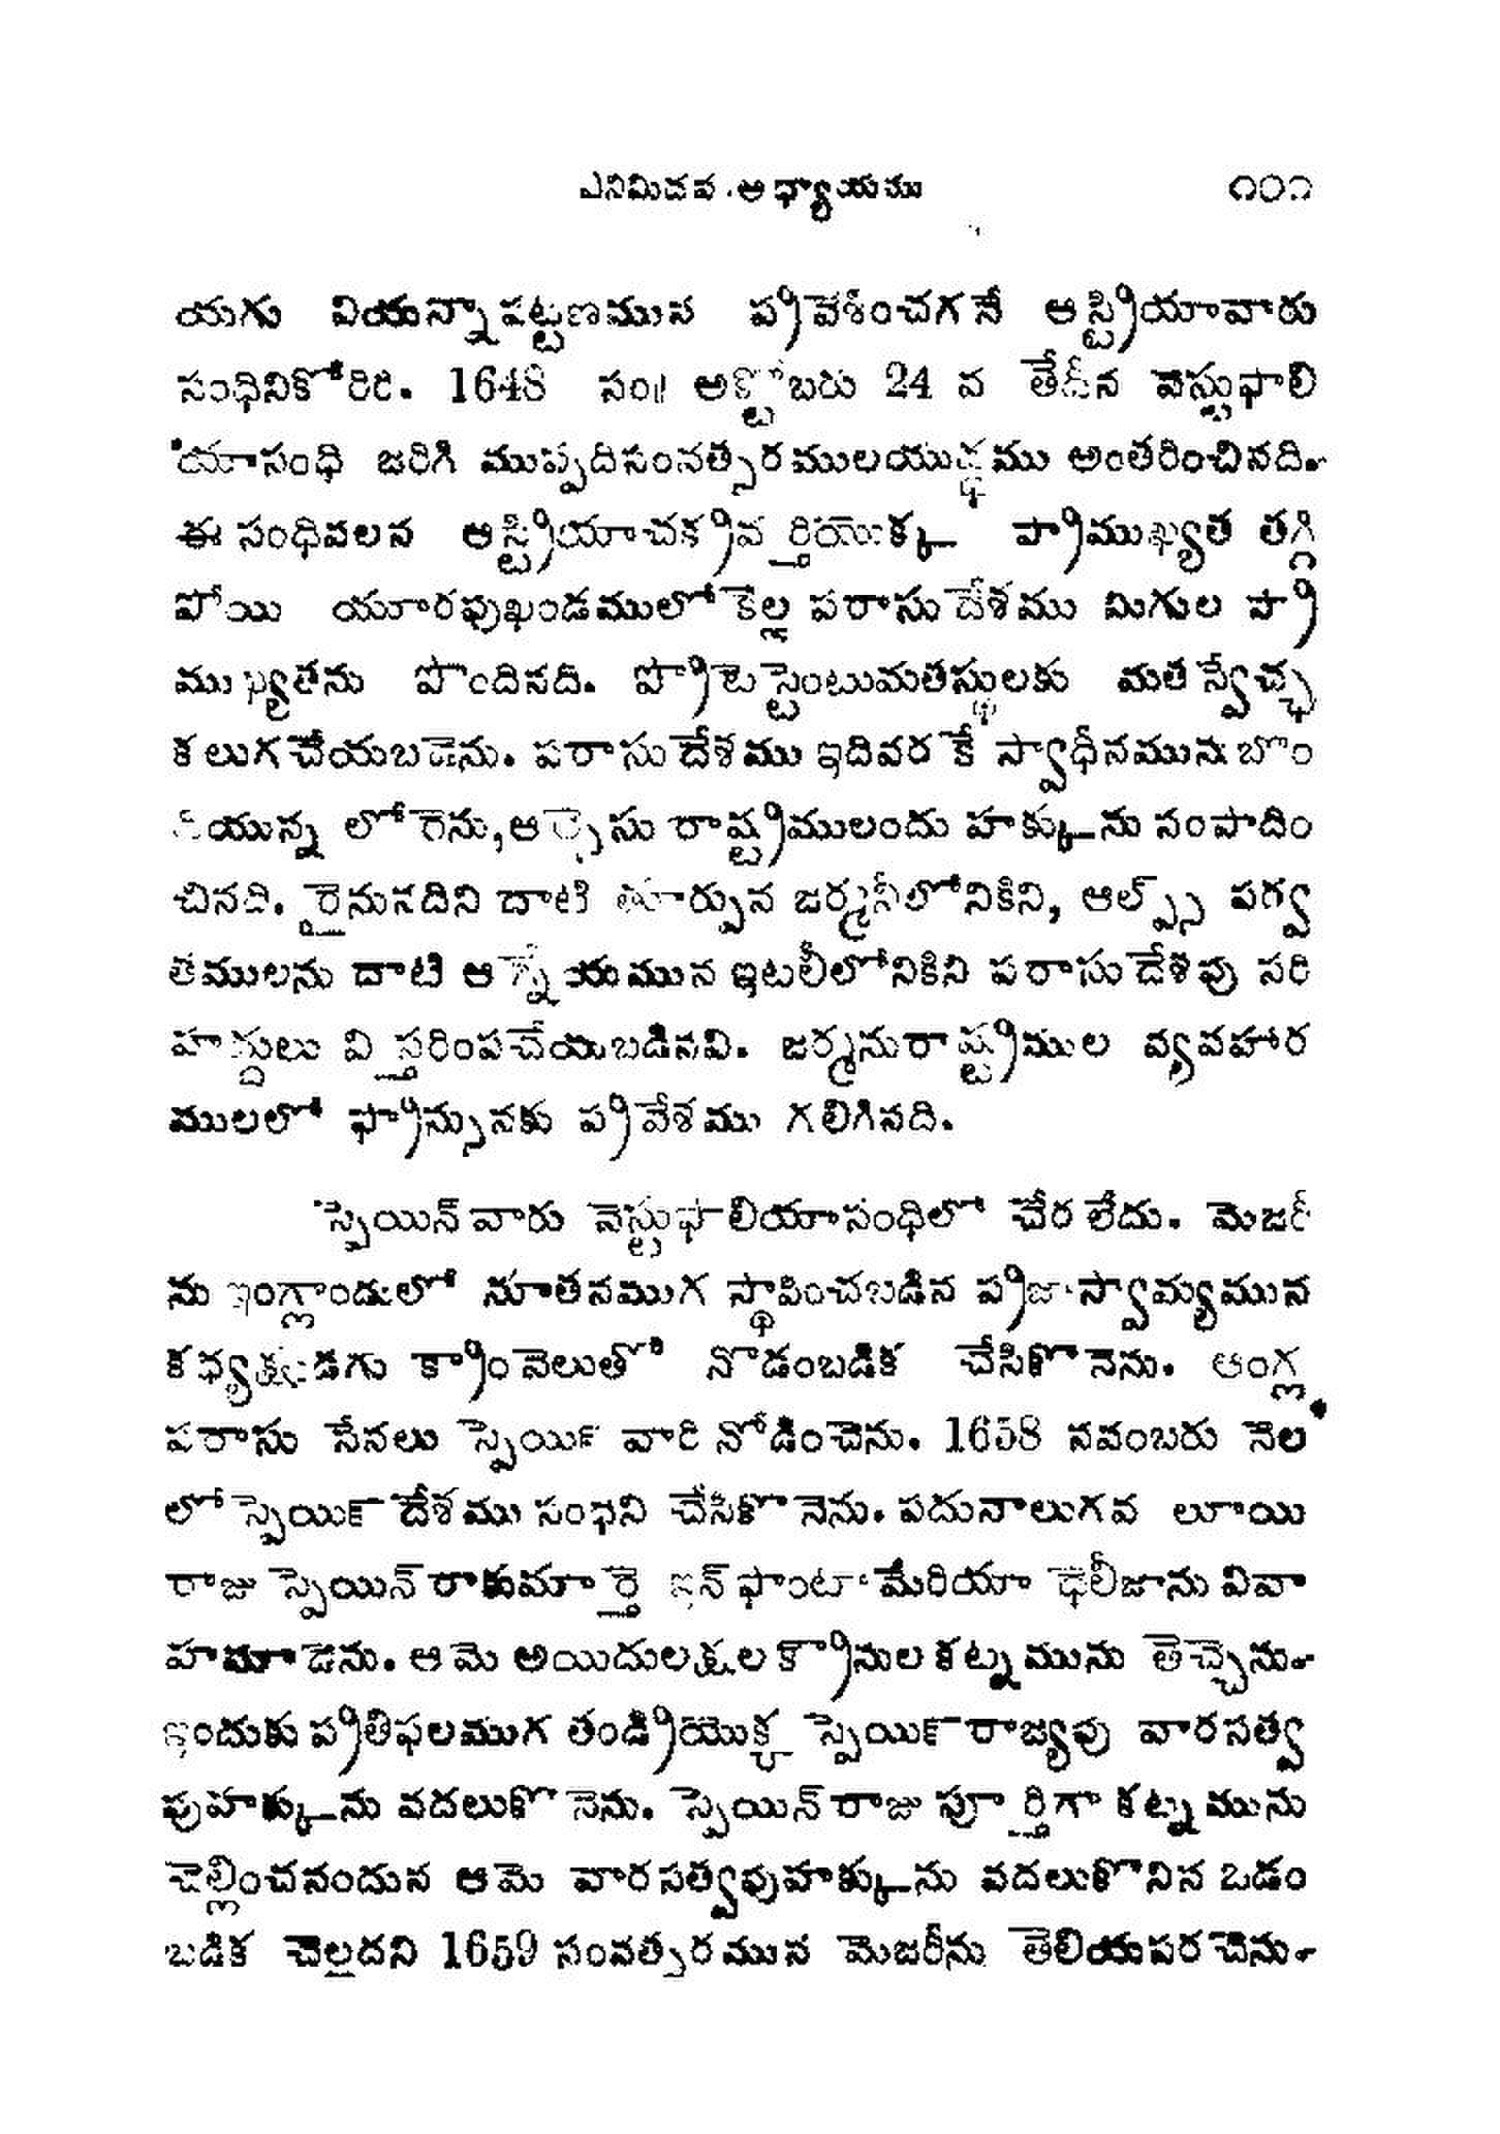యగు వియన్నాపట్టణమున ప్రవేశించగనే ఆస్ట్రియావారు
సంధిని కోరిరి. 1648 సం! అక్టోబరు 24 న తేదీన వస్టుఫాలి
'యాసంధి జరిగి ముప్పది సంవత్సరముల యుద్ధము అంతరించినది..
ఈ సంధిపలన ఆస్ట్రియా చక్రవర్తియెక్క ప్రాముఖ్యత తగ్గి
పోయి యూరఫుఖండములో కెల్ల పరాసు దేశము మిగుల ప్రా
ముఖ్యతను పొందినది. ఫ్రొటెస్టెంటు మతస్థులకు మత స్వేచ్ఛ
కలుగచేయ బడెను. పరాసు దేశము ఇదివరకే స్వాధీనమును బొం
దియున్న లోరెను, ఆల్సెను రాష్ట్రములందు హక్కును సంపాదిం
చినది. రైనునదిని దాటి తూర్పున జర్మనీలోనికిని, ఆల్ఫ్ పర్వ
తములను దాటి ఆగ్నేయమున ఇటలీలోనికిని పరాసు దేశపు సరి
హద్దులు విస్తరింపచేయ బడినవి. జర్మను రాష్ట్రముల వ్యవహార
ములలో ఫ్రాన్సునకు ప్రవేశము గలిగినది.

స్పెయిన్ వారు వెస్టు ఫాలియాసంధిలో చేర లేదు. మెజరీ
ను ఇంగ్లాండులో నూతనముగ స్థాపించబడిన ప్రజాస్వామ్యమున
కధ్యక్షుడగు క్రాంవెలుతో నొడంబడిక చేసికొనెను. ఆంగ్ల
పరాసు సేనలు స్పెయిన్ వారి నోడించెను. 1658 నవంబరు నెల
లో స్పెయిన్ దేశము సంధిని చేసికొనెను. పదునాలుగవ లూయి
రాజు స్పెయిన్ రాకుమార్తె ఇన్ ఫాంటా మేరియూ ఢిలిజూను వివా
హమాడెను. ఆమె అయిదులక్షల క్రౌసుల కట్నమును తెచ్చెను.
ఇందుకు ప్రతిఫలముగ తండ్రి యొక్క స్పెయిన్ రాజ్యపు వారసత్వ
పుహక్కును వదలు కొనెను. స్పెయిన్ రాజు పూర్తిగా కట్నమును
చెల్లించనందున ఆమె వార సత్వపు హక్కును వదలుకొనిన ఒడం
బడిక చెల్లదని 1659 సంవత్సరమున మెజరీను తెలియపరచెను